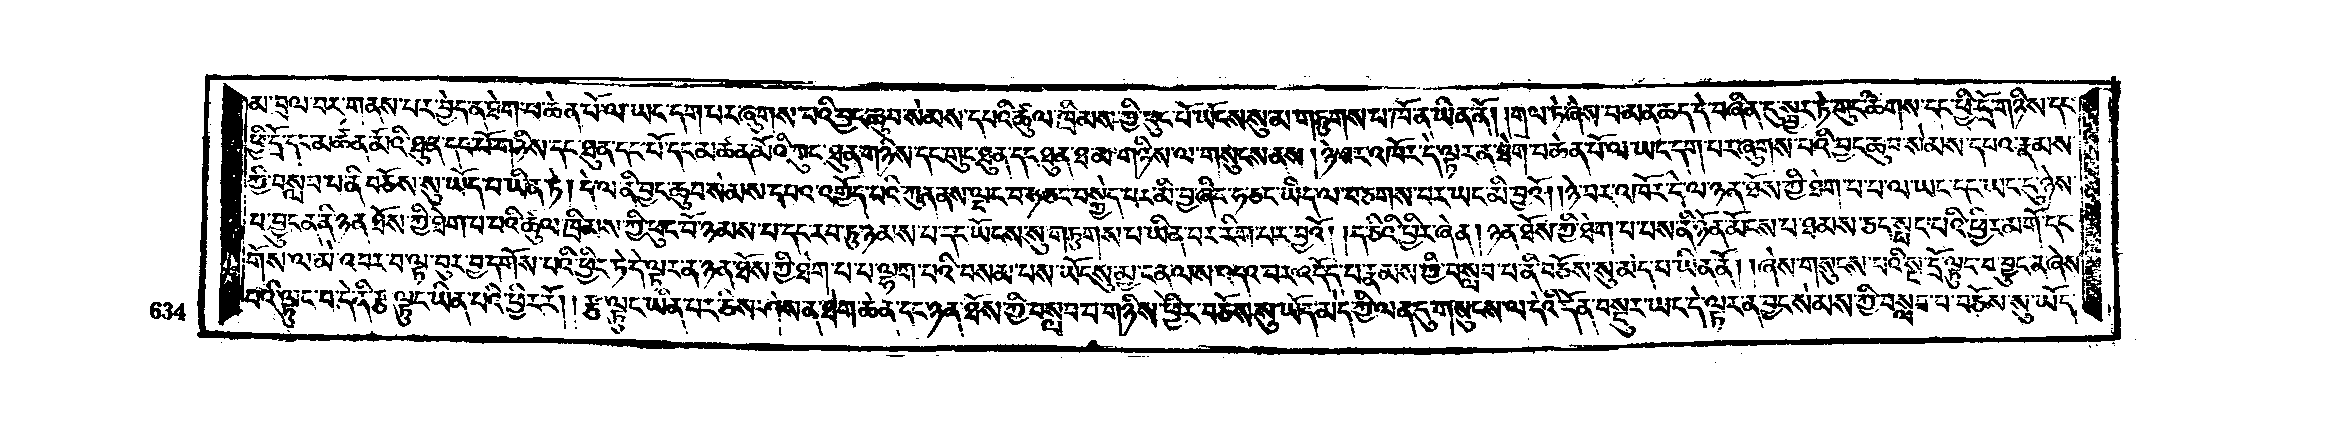མ་བྲལ་བར་གནས་པར་བྱེད་ན་ཐེག་པ་ཆེན་པོ་ལ་ཡང་དག་པར་ཞུགས་པའི་བྱང་ཆུབ་སེམས་དཔའི་ཚུལ་ཁྲིམས་ཀྱི་ཕུང་པོ་ཡོངས་སུ་མ་གཏུགས་པ་ཁོ་ན་ཡིན་ནོ། །གལ་ཏེ་ཞེས་པ་མན་ཆད་དེ་བཞིན་དུ་སྦྱར་ཏེ་གུང་ཚིགས་དང་ཕྱི་དྲོ་གཉིས་དང་
ཕྱི་དྲོ་དང་མཚན་མོའི་ཐུན་དང་པོ་གཉིས་དང་ཐུན་དང་པོ་དང་མཚན་མོའི་གུང་ཐུན་གཉིས་དང་གུང་ཐུན་དང་ཐུན་ཐ་མ་གཉིས་ལ་གསུངས་ནས། ཉེ་བར་འཁོར་དེ་ལྟར་ན་ཐེག་པ་ཆེན་པོ་ལ་ཡང་དག་པར་ཞུགས་པའི་བྱང་ཆུབ་སེམས་དཔའ་རྣམས་
ཀྱི་བསླབ་པ་ནི་བཅོས་སུ་ཡོད་པ་ཡིན་ཏེ། དེ་ལ་ནི་བྱང་ཆུབ་སེམས་དཔའ་འགྱོད་པའི་ཀུན་ནས་ལྡང་བ་ཧ་ཅང་བསྐྱེད་པར་མི་བྱ་ཞིང་ཧ་ཅང་ཡིད་ལ་བཅགས་པར་ཡང་མི་བྱའོ། །ཉེ་བར་འཁོར་དེ་ལ་ཉན་ཐོས་ཀྱི་ཐེག་པ་པ་ལ་ཡང་དང་ཡང་དུ་ཉེས་
པ་བྱུང་ན་ནི་ཉན་ཐོས་ཀྱི་ཐེག་པ་པའི་ཚུལ་ཁྲིམས་ཀྱི་ཕུང་པོ་ཉམས་པ་དང་རབ་ཏུ་ཉམས་པ་དང་ཡོངས་སུ་གཏུགས་པ་ཡིན་པར་རིག་པར་བྱའོ། །ད་ཅིའི་ཕྱིར་ཞེ་ན། ཉན་ཐོས་ཀྱི་ཐེག་པ་པས་ནི་ཉོན་མོངས་པ་ཐམས་ཅད་སྤང་པའི་ཕྱིར་མགོ་དང་
གོས་ལ་མེ་འབར་བ་ལྟ་བུར་བྱ་དགོས་པའི་ཕྱིར་ཏེ་དེ་ལྟར་ན་ཉན་ཐོས་ཀྱི་ཐེག་པ་པ་ལྷག་པའི་བསམ་པས་ཡོངས་སུ་མྱ་ངན་ལས་འདའ་བར་འདོད་པ་རྣམས་ཀྱི་བསླབ་པ་ནི་བཅོས་སུ་མེད་པ་ཡིན་ནོ། །ཞེས་གསུངས་པའི་སྔ་དྲོ་ལྟུང་བ་བྱུང་ན་ཞེས་
པའི་ལྟུང་བ་དེ་ནི་རྩ་ལྟུང་ཡིན་པའི་ཕྱིར་རོ། །རྩ་ལྟུང་ཡིན་པར་ཅིས་ཤེས་ན་ཐེག་ཆེན་དང་ཉན་ཐོས་ཀྱི་བསླབ་པ་གཉིས་ཕྱིར་བཅོས་སུ་ཡོད་མེད་ཀྱི་ལན་དུ་གསུངས་ལ་དེའི་དོན་བསྡུར་ཡང་དེ་ལྟར་ན་བྱང་སེམས་ཀྱི་བསླབ་པ་བཅོས་སུ་ཡོད་